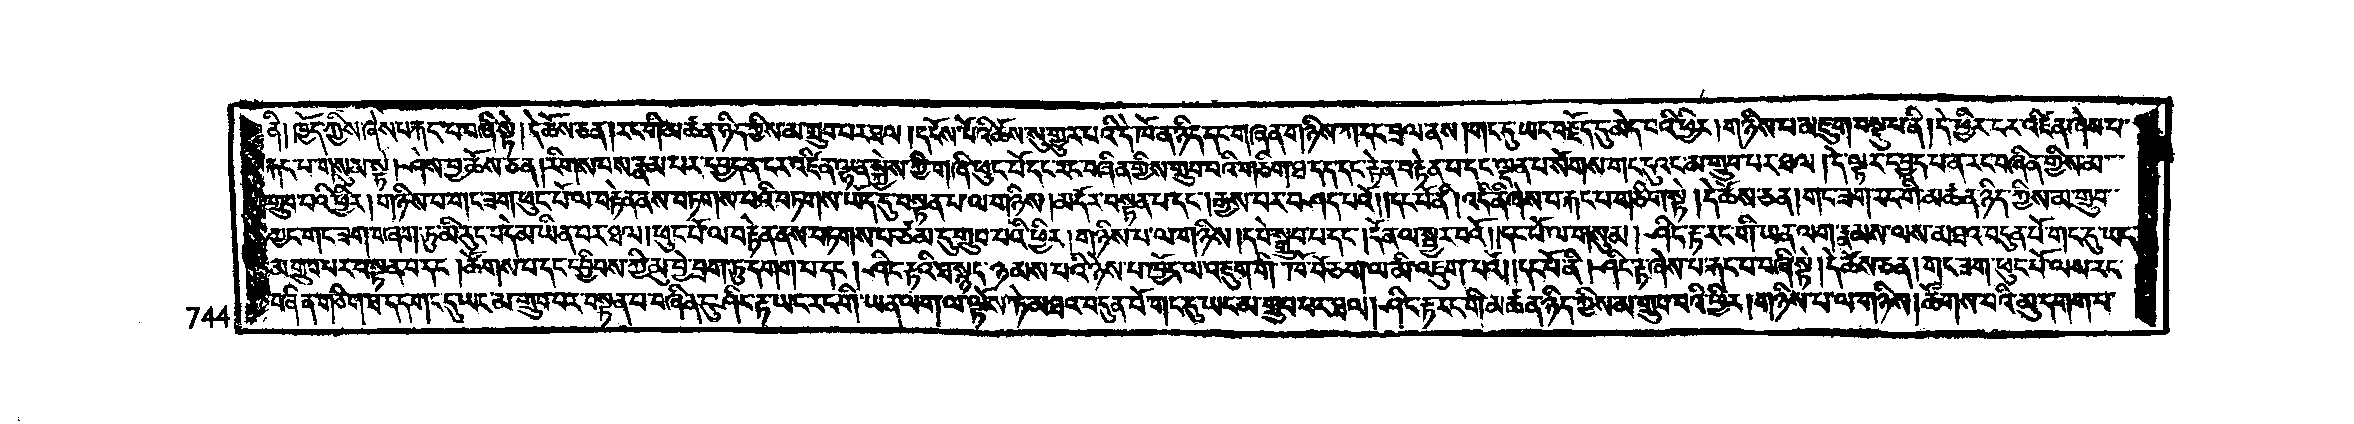ནི། ཁྱོད་ཀྱིས་ཞེས་པ་རྐང་པ་བཞི་སྟེ། དེ་ཆོས་ཅན། རང་གི་མཚན་ཉིད་ཀྱིས་མ་གྲུབ་པར་ཐལ། དངོས་པོའི་ཆོས་སུ་གྱུར་པའི་དེ་ཁོ་ན་ཉིད་དང་གཞན་གཉིས་ཀ་དང་བྲལ་ནས། གང་དུ་ཡང་བརྗོད་དུ་མེད་པའི་ཕྱིར། གཉིས་པ་མཇུག་བསྡུ་པ་ནི། དེ་ཕྱིར་ངར་འཛིན་ཞེས་པ་
རྐང་པ་གསུམ་སྟེ། ཤེས་བྱ་ཆོས་ཅན། རིགས་པས་རྣམ་པར་དཔྱད་ན་ངར་འཛིན་ལྷན་སྐྱེས་ཀྱི་གཞི་ཕུང་པོ་དང་རང་བཞིན་གྱིས་གྲུབ་པའི་གཅིག་ཐ་དད་དང་རྟེན་བརྟེན་པ་དང་ལྡན་པ་སོགས་གང་དུའང་མ་གྲུབ་པར་ཐལ། དེ་ལྟར་དཔྱད་པ་ན་རང་བཞིན་གྱིས་མ་
གྲུབ་པའི་ཕྱིར། གཉིས་པ་གང་ཟག་ཕུང་པོ་ལ་བརྟེན་ནས་བཏགས་པའི་བཏགས་ཡོད་དུ་བསྟན་པ་ལ་གཉིས། མདོར་བསྟན་པ་དང་། རྒྱས་པར་བཤད་པའོ། །དང་པོ་ནི། འདི་ནི་ཞེས་པ་རྐང་པ་གཅིག་སྟེ། དེ་ཆོས་ཅན། གང་ཟག་རང་གི་མཚན་ཉིད་ཀྱིས་མ་གྲུབ་
ཀྱང་གང་ཟག་བཞག་ཏུ་མི་རུང་པ་དེ་མ་ཡིན་པར་ཐལ། ཕུང་པོ་ལ་བརྟེན་ནས་བཏགས་པ་ཙམ་དུ་གྲུབ་པའི་ཕྱིར། གཉིས་པ་ལ་གཉིས། དཔེ་སྒྲུབ་པ་དང་། དོན་ལ་སྦྱར་བའོ། །དང་པོ་ལ་གསུམ། ཤིང་རྟ་རང་གི་ཡན་ལག་རྣམས་ལས་མཐའ་བདུན་པོ་གང་དུ་ཡང་
མ་གྲུབ་པར་བསྟན་པ་དང་། ཚོགས་པ་དང་དབྱིབས་ཀྱི་མུ་བྱེ་བྲག་ཏུ་དགག་པ་དང་། ཤིང་རྟའི་ཐ་སྙད་ཉམས་པའི་ཉེས་པ་ཁྱོད་ལ་འཇུག་གི་ཁོ་བོ་ཅག་ལ་མི་འཇུག་པའོ། །དང་པོ་ནི། ཤིང་རྟ་ཞེས་པ་རྐང་པ་བཞི་སྟེ། དེ་ཆོས་ཅན། གང་ཟག་ཕུང་པོ་ལས་རང་
བཞིན་གཅིག་ཐ་དད་གང་དུ་ཡང་མ་གྲུབ་པར་བསྟན་པ་བཞིན་དུ་ཤིང་རྟ་ཡང་རང་གི་ཡན་ལག་ལ་ལྟོས་ཏེ་མཐའ་བདུན་པོ་གང་དུ་ཡང་མ་གྲུབ་པར་ཐལ། ཤིང་རྟ་རང་གི་མཚན་ཉིད་ཀྱིས་མ་གྲུབ་པའི་ཕྱིར། གཉིས་པ་ལ་གཉིས། ཚོགས་པའི་མུ་དགག་པ་